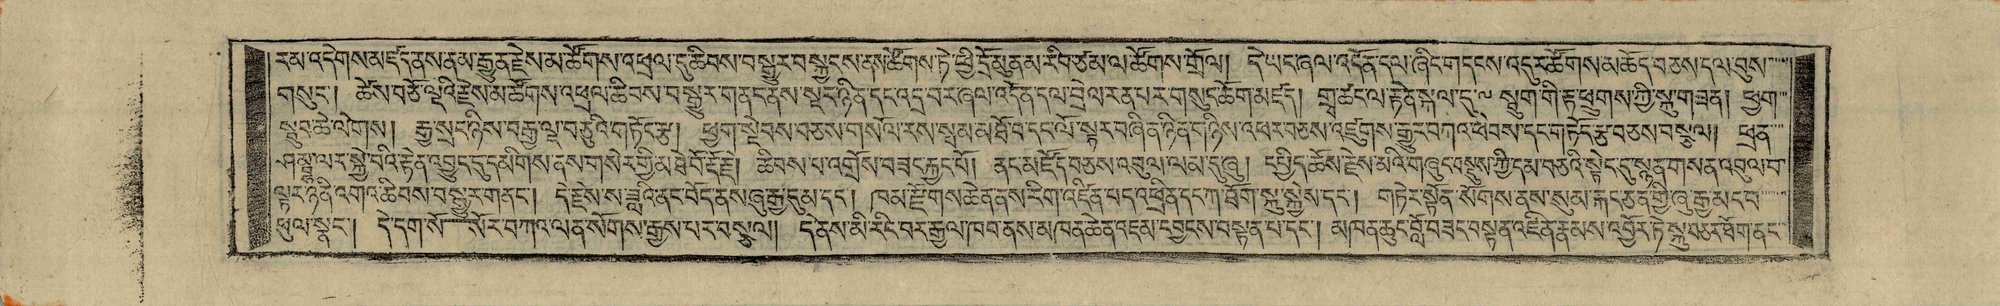རམ་འདེགས་མཛད་ནས་ནམ་རྒྱུན་རྗེས་མ་ཚོགས་འཕྲལ་དུ་ཆིབས་བསྒྱུར་བསྐྱངས་ནས་ཚོགས་ཏེ་ཕྱི་དྲོ་མུན་མ་རིབ་ཙམ་ལ་ཚོགས་གྲོལ། དེ་ཡང་ཞལ་འདོན་དལ་ཞིང་གདངས་འདུར་ཚོགས་མཆོད་བཅས་དལ་བུས་
གསུང་། ཚེས་བཅོ་ལྔའི་རྗེས་མ་ཚོགས་འཕྲལ་ཆིབས་བསྒྱུར་གནང་ནས་སྔར་ཉིན་དང་འདྲ་བར་ཞལ་འདོན་དལ་བྲེལ་རན་པར་གསུང་ཆོག་མཛད། གྲྭ་ཚང་ལ་རྟེན་སྐལ་དུ་༧སྦུག་གི་རྟ་ཕྲུགས་ཀྱི་སྐུ་གཟན། ཕྱག་
སྦུབ་ཆེ་ལེགས། རྒྱ་སྲང་ཉིས་བརྒྱ་ལྔ་བཅུའི་གཏོང་རྩ། ཕྱག་སྡེབས་བཅས་གསོལ་རས་སྤམ་མཐོ་བ་དང་ལོ་སྟར་བཞིན་ཉིན་གཉིས་འཕར་བཅས་འཛུགས་རྒྱུར་བཀའ་ཕེབས་དང་གཏོང་རྩ་བཅས་བསྩལ། ཕྲན་
ཤམྦྷ་ལར་སྐྱེ་བའི་རྟེན་འབྱུང་དུ་དམིགས་ནས་གསེར་གྱི་མཐེ་བོ་རྡོ་རྗེ། ཆིབས་པ་འགྲོས་བཟང་རྐྱང་པོ། ནང་མཛོད་བཅས་འབུལ་ལམ་དུ་ཞུ། དཔྱིད་ཆོས་རྗེས་མའི་གཞུང་བསྡུས་ཀྱི་དམ་བཅའི་སྟེང་དུ་སྙན་གསན་འབུལ་བ་
ལྟར་ཉིན་འགའ་ཆིབས་བསྒྱུར་གནང་། དེ་རྗེས་ས་ཟླའི་ནང་བོད་ནས་ཞུ་རྒྱ་དུ་མ་དང་། ཁམ་རྫོགས་ཆེན་ནས་རིག་འཛིན་པད་འཕྲིན་དང་ཀ་ཐོག་སྐུ་སྐྱེས་དང་། གཏེར་སྟོན་སོགས་ནས་སུམ་རྐང་ཅན་གྱི་ཞུ་རྒྱ་མང་བ་
ཕུལ་སྣང་། དེ་དག་སོ་སོར་བཀའ་ལན་སོགས་རྒྱས་པར་བསྩལ། དེ་ནས་མི་རིང་བར་རྒྱལ་ཁབ་ནས་མཁན་ཆེན་འཇམ་དབྱངས་བསྟན་པ་དང་། མཁན་ཆུང་བློ་བཟང་བསྟན་འཛིན་རྣམས་འབྱོར་ཏེ་སྐུ་བཅར་ཐོག་ནང་